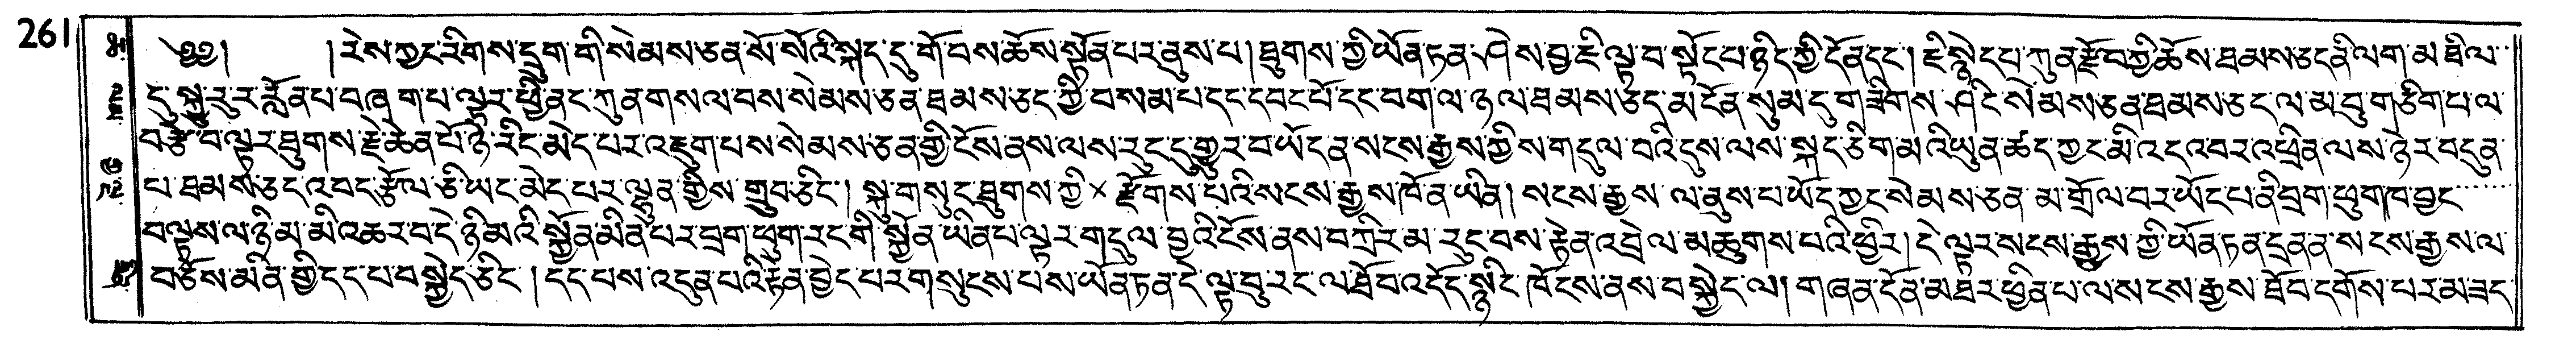༄༅། །རེས་ཀྱང་རིགས་དྲུག་གི་སེམས་ཅན་སོ་སོའི་སྐད་དུ་གོ་བས་ཆོས་སྟོན་པར་ནུས་པ། ཐུགས་ཀྱི་ཡོན་ཏན་ཤེས་བྱ་ཇི་ལྟ་བ་སྟོང་པ་ཉིད་ཀྱི་དོན་དང་། ཇི་སྙེད་པ་ཀུན་རྫོབ་ཀྱི་ཆོས་ཐམས་ཅད་ནི་ལག་མཐིལ་
དུ་སྐྱུ་རུ་ར་རློན་པ་བཞག་པ་ལྟར་ཕྱི་ནང་ཀུན་གསལ་བས་སེམས་ཅན་ཐམས་ཅད་ཀྱི་བསམ་པ་དང་དབང་པོ་དང་བག་ལ་ཉལ་ཐམས་ཅད་མངོན་སུམ་དུ་གཟིགས་ཤིང་སེམས་ཅན་ཐམས་ཅད་ལ་མ་བུ་གཅིག་པ་ལ་
བརྩེ་བ་ལྟར་ཐུགས་རྗེ་ཆེན་པོ་ཉེ་རིང་མེད་པར་འཇུག་པས་སེམས་ཅན་གྱི་ངོས་ནས་ལས་རུང་དུ་གྱུར་བ་ཡོད་ན་སངས་རྒྱས་ཀྱིས་གདུལ་བའི་དུས་ལས་སྐད་ཅིག་མའི་ཡུན་ཚད་ཀྱང་མི་འདའ་བར་འཕྲིན་ལས་ཉེར་བདུན་
པ་ཐམས་ཅད་འབད་རྩོལ་ཅི་ཡང་མེད་པར་ལྷུན་གྱིས་གྲུབ་ཅིང་། སྐུ་གསུང་ཐུགས་ཀྱི་+་རྫོགས་པའི་སངས་རྒྱས་ཁོ་ན་ཡིན། སངས་རྒྱས་ལ་ནུས་པ་ཡོད་ཀྱང་སེམས་ཅན་མ་གྲོལ་བར་ཡོད་པ་ནི་བྲག་ཕུག་ཁ་བྱང་
བལྟས་ལ་ཉི་མ་མི་འཆར་བ་དེ་ཉི་མའི་སྐྱོན་མིན་པར་བྲག་ཕུག་རང་གི་སྐྱོན་ཡིན་པ་ལྟར་གདུལ་བྱའི་ངོས་ནས་བཀྲིར་མ་རུང་བས་རྟེན་འབྲེལ་མཆུགས་པའི་ཕྱིར། དེ་ལྟར་སངས་རྒྱས་ཀྱི་ཡོན་ཏན་དྲན་ན་སངས་རྒྱས་ལ་
བཅོས་མིན་གྱི་དད་པ་བསྐྱེད་ཅིང་། དད་པས་འདུན་པའི་རྟེན་བྱེད་པར་གསུངས་པས་ཡོན་ཏན་དེ་ལྟ་བུ་རང་ལ་ཐོབ་འདོད་སྙིང་ཁོངས་ནས་བསྐྱེད་ལ། གཞན་དོན་མཐར་ཕྱིན་པ་ལ་སངས་རྒྱས་ཐོབ་དགོས་པར་མ་ཟད་